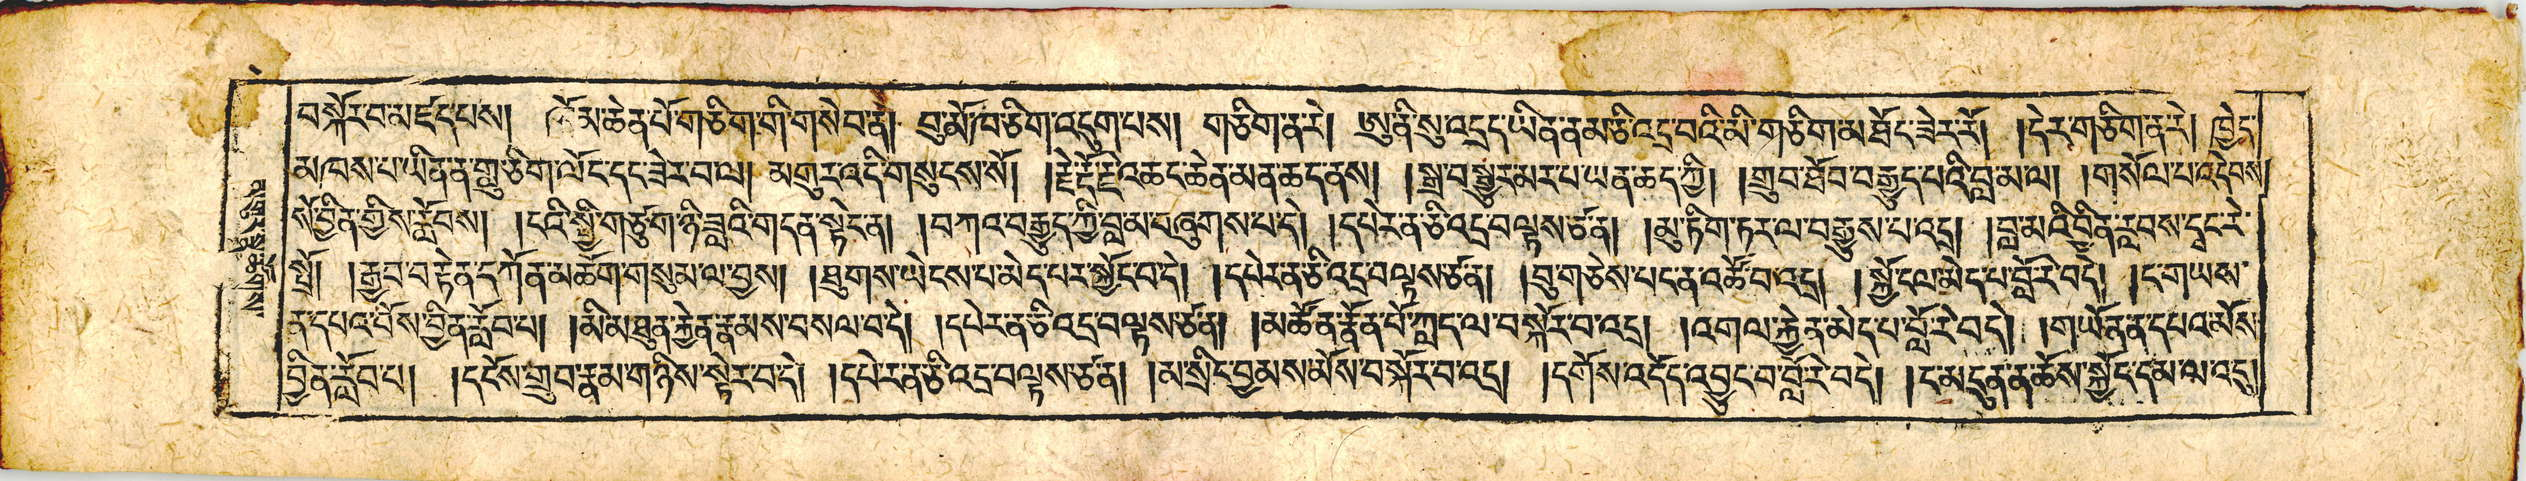བསྐོར་བ་མཛད་པས། ཁྲོམ་ཆེན་པོ་གཅིག་གི་གསེབ་ན། བུ་མོ་ཁ་ཅིག་འདུག་པས། གཅིག་ན་རེ། ཨུ་ནི་སུ་འདྲད་ཡིན་ནམ་ཅི་འདྲ་བའི་མི་གཅིག་མཐོང་ཟེར་རོ། །དེར་གཅིག་ན་རེ། ཁྱེད་
མཁས་པ་ཡིན་ན་གླུ་ཅིག་ལོང་དང་ཟེར་བ་ལ། མགུར་འདི་གསུངས་སོ། །རྗེ་རྡོ་རྗེ་འཆང་ཆེན་མན་ཆད་ནས། །སྒྲ་བསྒྱུར་མར་པ་ཡན་ཆད་ཀྱི། །གྲུབ་ཐོབ་བརྒྱུད་པའི་བླ་མ་ལ། །གསོལ་བ་འདེབས་
སོ་བྱིན་གྱིས་རློབས། །ངའི་སྤྱི་གཙུག་ཉི་ཟླའི་གདན་སྟེང་ན། །བཀའ་བརྒྱུད་ཀྱི་བླ་མ་བཞུགས་པ་དེ། །དཔེར་ན་ཅི་འདྲ་བལྟས་ཙ་ན། །མུ་ཏིག་ཏར་ལ་བརྒྱུས་པ་འདྲ། །བླ་མའི་བྱིན་རླབས་དྭང་རེ་
སྤོ། །རྒྱབ་བརྟེན་དཀོན་མཆོག་གསུམ་ལ་བྱས། །ཐུགས་ཡེངས་པ་མེད་པར་སྐྱོང་བ་དེ། །དཔེར་ན་ཅི་འདྲ་བལྟས་ཙ་ན། །བུ་གཅེས་པང་ན་འཚོ་བ་འདྲ། །སྐྱོ་ངལ་མེད་པ་བློ་རེ་བདེ། །ང་གཡས་
ན་དཔའ་བོས་བྱིན་རློབ་པ། །མི་མཐུན་རྐྱེན་རྣམས་བསལ་བ་དེ། །དཔེར་ན་ཅི་འདྲ་བལྟས་ཙ་ན། །མཚོན་རྣོན་པོ་ཀླད་ལ་བསྐོར་བ་འདྲ། །འགལ་རྐྱེན་མེད་པ་བློ་རེ་བདེ། །གཡོན་ན་དཔའ་མོས་
བྱིན་རློབ་པ། །དངོས་གྲུབ་རྣམ་གཉིས་སྟེར་བ་དེ། །དཔེར་ན་ཅི་འདྲ་བལྟས་ཙ་ན། །མ་སྲིང་བྱམས་མོས་བསྐོར་བ་འདྲ། །དགོས་འདོད་འབྱུང་བ་བློ་རེ་བདེ། །ང་མདུན་ན་ཆོས་སྐྱོང་དམ་ལ་འདུ། །